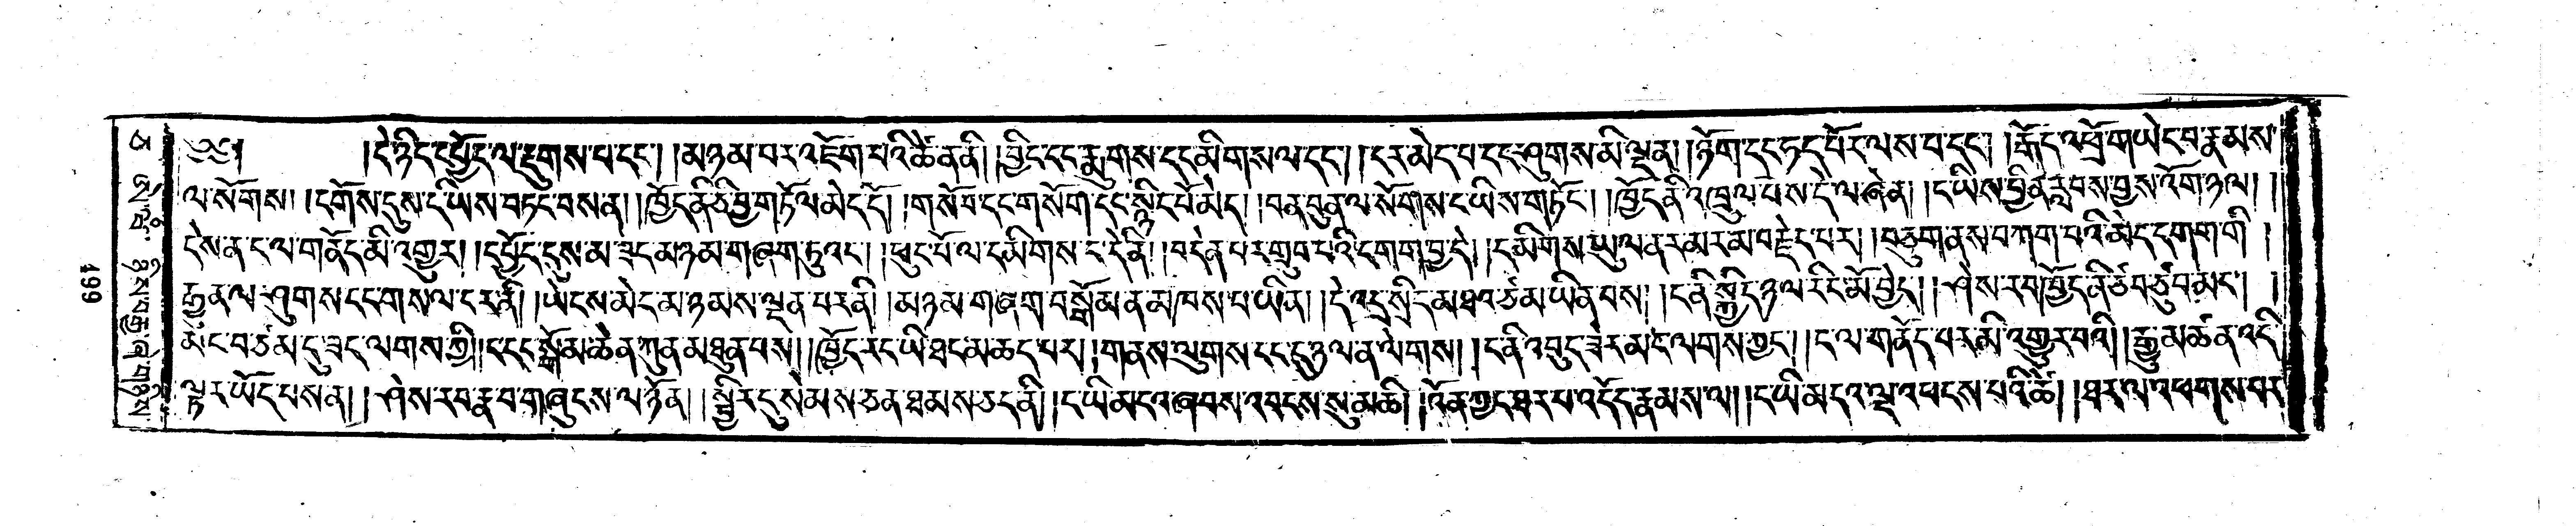༄༅། །དེ་ཉིད་དཔྱོད་ལ་རྡུགས་པ་དང་། །མཉམ་པར་འཇོག་པའི་ཚེ་ན་ནི། །བྱིང་དང་རྨུགས་དང་མི་གསལ་དང་། །ངར་མེད་པ་དང་ཤུགས་མི་ལྡན། །ཉོག་དང་ཧད་པོར་ལས་པ་དང་། །རྒོད་འཕྲོ་གྱེང་བ་རྣམས་
ལ་སོགས། །དགོས་དུས་ང་ཡིས་བཏང་བས་ན། །ཁྱོད་ནི་ཅི་བྱ་གཏོལ་མེད་དོ། །གསོབ་དང་གསོག་དང་སྙིང་པོ་མེད། །བན་བུན་ལ་སོགས་ང་ཡིས་གཏོང་། །ཁྱོད་ནི་འཁྲུལ་བས་དེ་ལ་ཞེ་ན། །ང་ཡིས་བྱིན་རླབས་བྱས་འོག་ཉལ། །
དེས་ན་ང་ལ་གནོད་མི་འགྱུར། །དཔྱོད་དུས་མ་ཟད་མཉམ་གཞག་ཏུའང་། །ཕུང་པོ་ལ་དམིགས་ང་དེ་ནི། །བདེན་པར་གྲུབ་པའི་དགག་བྱ་དེ། །དམིགས་ཡུལ་ནར་མར་མ་བརྗེད་པར། །བཅུག་ནས་བཀག་པའི་མེད་དགག་གི །
རྒྱུན་ལ་ཤུགས་དང་གསལ་ངར་ནི། །ཡེངས་མེད་མ་ཉམས་ལྡན་པར་ནི༑ ༑མཉམ་གཞག་བསྒོམ་ན་མཁས་པ་ཡིན། །དེ་འདྲ་སྲིད་མཐའ་ཙམ་ཡིན་པས། །ང་ནི་སྐྱིད་ཉལ་རིང་མི་བྱེད། །ཤེས་རབ་ཁྱོད་ནི་ཙབ་ཙུབ་མང་། །
མང་བ་ཙམ་དུ་ཟད་ལགས་ཀྱི། །ང་དང་སྒོམ་ཆེན་ཀུན་མཐུན་པས༑ ༑ཁྱོད་རང་ཡི་ཐང་མ་ཆད་པར། །གནས་ལུགས་དང་དུ་ཉལ་ན་ལགས། །ང་ནི་འབུད་ཟེར་མང་ལགས་ཀྱང་། །ང་ལ་གནོད་པར་མི་འགྱུར་བའི། །རྒྱུ་མཚན་འདི་
ལྟར་ཡོད་པས་ན། །ཤེས་རབ་རྣ་བ་གཞུངས་ལ་ཉོན། །སྤྱིར་དུ་སེམས་ཅན་ཐམས་ཅད་ནི། །ང་ཡི་མངའ་ཞབས་འབངས་སུ་མཆི། །འོན་ཀྱང་ཐར་པར་འདོད་རྣམས་ལ། །ང་ཡི་མདའ་ལྔ་འཕངས་པའི་ཚེ། །ཐར་ལ་འཕགས་པར་